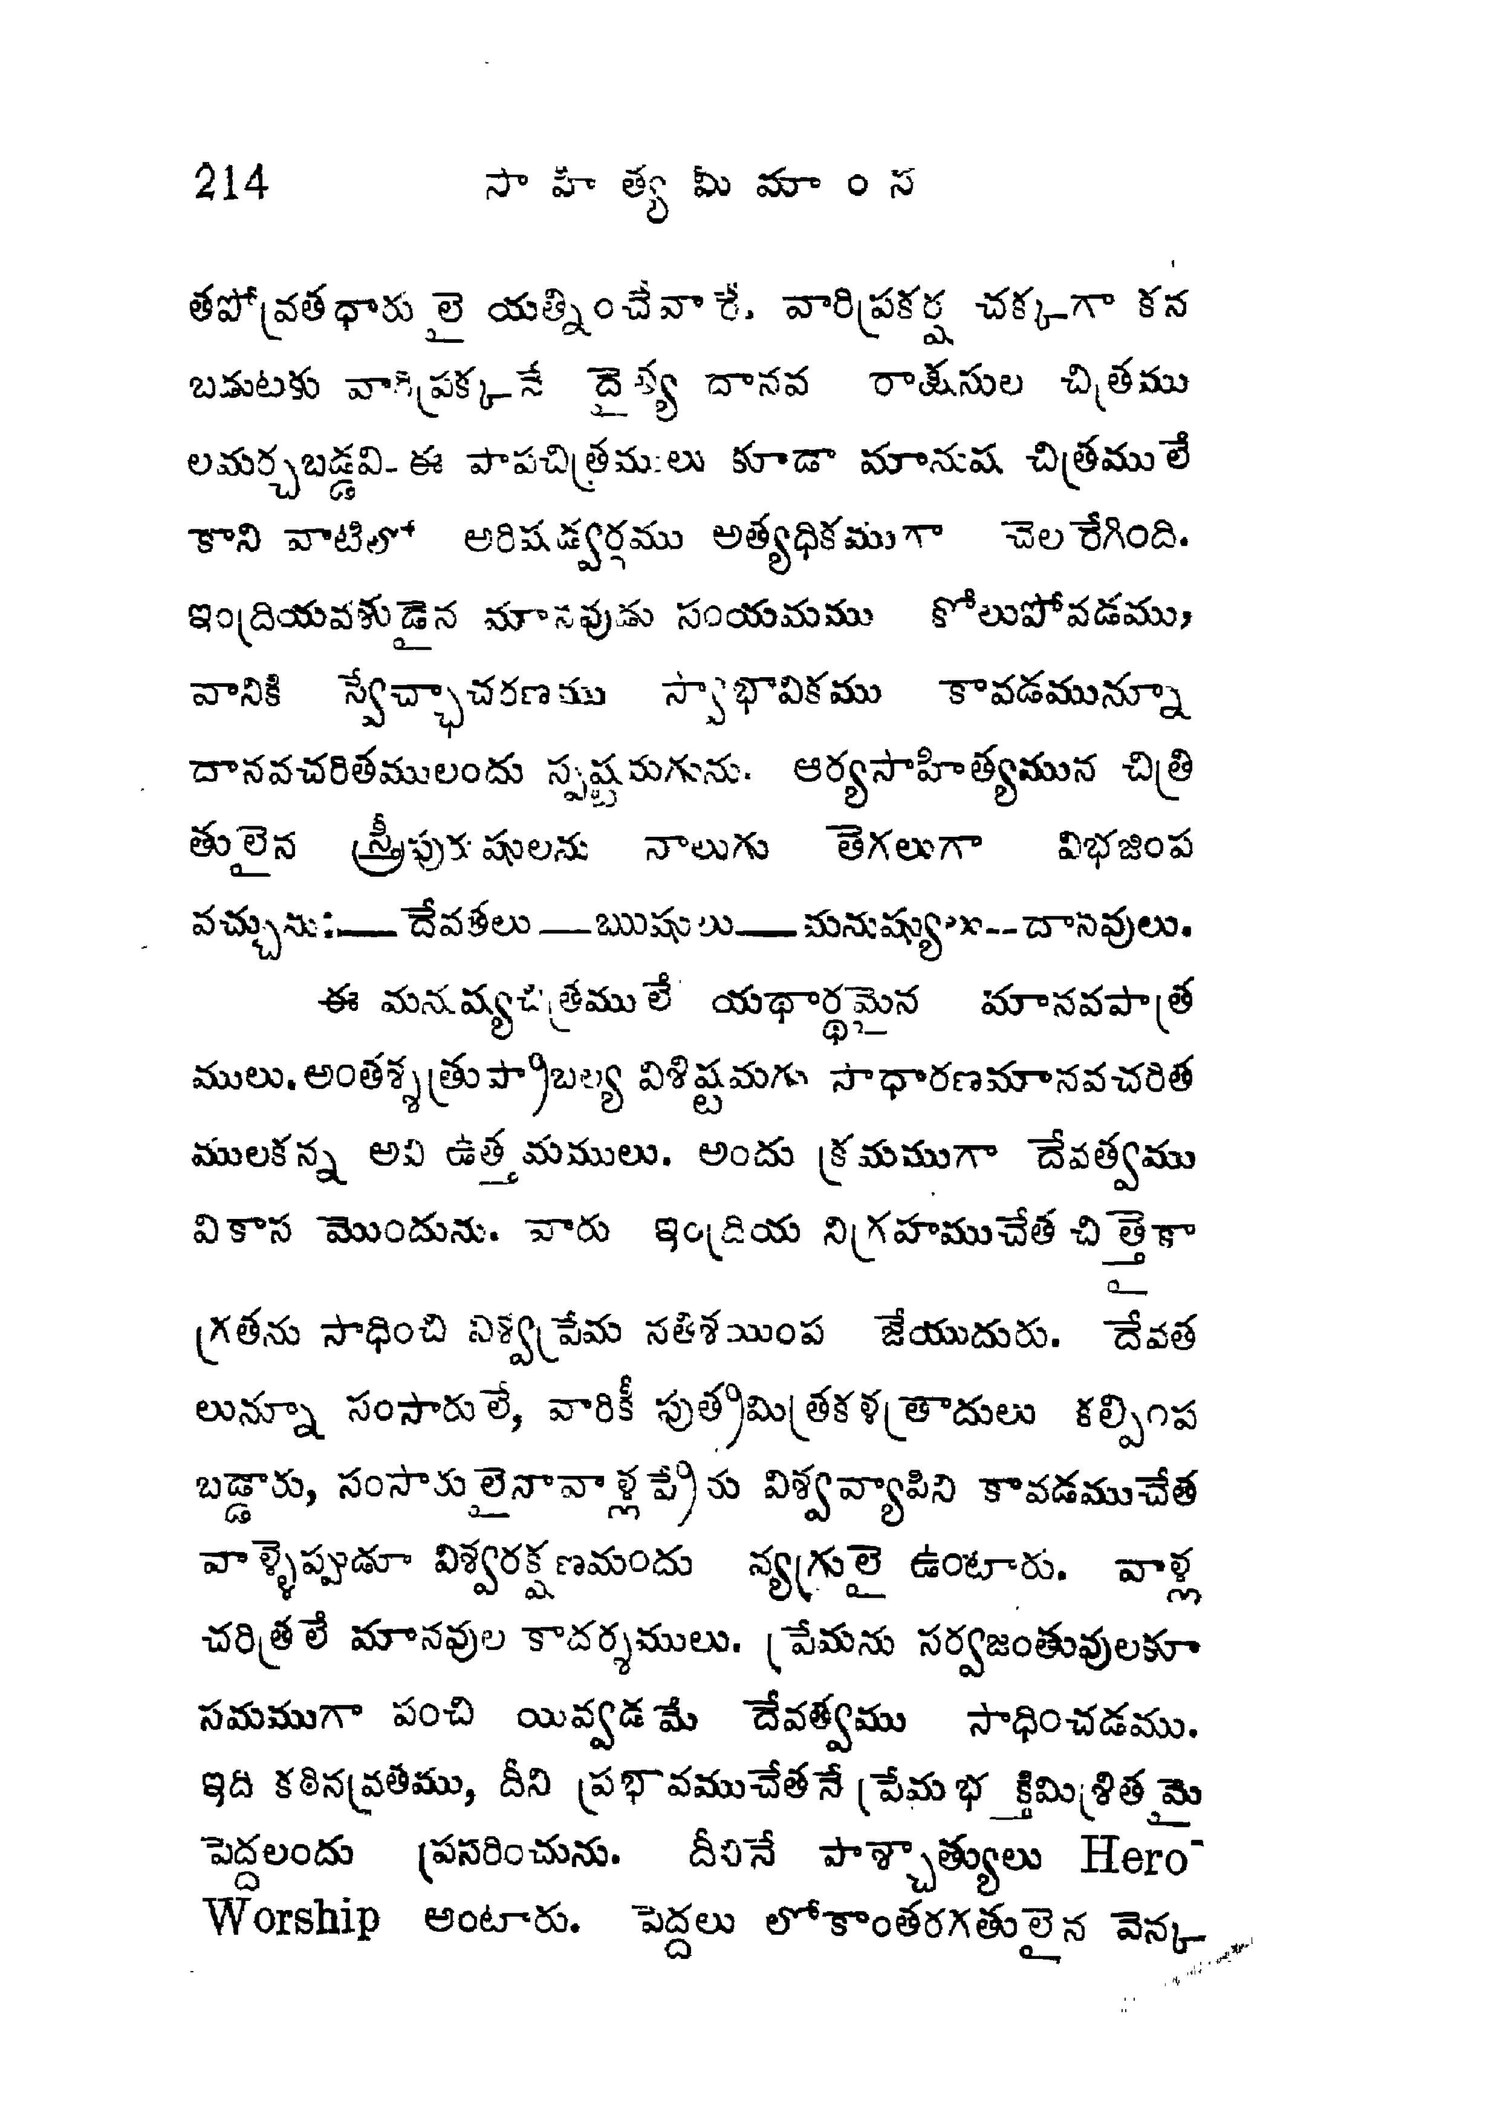తపోవ్రతధారులై యత్నించేవారే. వారిప్రకర్ష చక్కగా కనబడుటకు వారిప్రక్కనే దైత్య దానవ రాక్షసుల చిత్రము లమర్చబడ్డవి. ఈ పాపచిత్రములు కూడ మానుష చిత్రములే కాని వాటిలో అరిషడ్వర్గము అత్యధికముగా చెల రేగింది. ఇంద్రియవశుడైన మానవుడు సంయమము కోలుపోవడము వానికి స్వేచ్ఛాచరణము స్వాభావికము కావడమున్నూ దానవచరితములందు స్పష్టమగును. ఆర్యసాహిత్యమున చిత్రితులైన స్త్రీపురుషులను నాలుగు తెగలుగా విభజింప వచ్చును : _ దేవతలు - ఋషులు - మనుష్యులు - దానవులు.

ఈ మనుష్యచిత్రములే యథార్థమైన మానవపాత్రములు. అంతశ్శత్రుప్రాబల్య విశిష్టమగు సాధారణమానవచరితముల కన్న అవి ఉత్తమములు. అందు క్రమముగా దేవత్వము వికాస మొందును. వారు ఇంద్రియ నిగ్రహముచేత చిత్తైకాగ్రతను సాధించి విశ్వప్రేమ నతిశయింప జేయుదురు. దేవతలున్నూ సంసారులే, వారికీ పుత్రమిత్రకళత్రాదులు కల్పింప బడ్డారు, సంసారులైనావాళ్లప్రేమ విశ్వవ్యాపిని కావడముచేత వాళ్ళెప్పుడూ విశ్వరక్షణమందు వ్యగ్రులై ఉంటారు. వాళ్ల చరిత్రలే మానవుల కాదర్శములు. ప్రేమను సర్వజంతువులకూ సమముగా పంచి యివ్వడమే దేవత్వము సాధించడము. ఇది కఠినవ్రతము, దీని ప్రభావముచేతనే ప్రేమభక్తిమిశ్రితమై పెద్దలందు ప్రవర్తించును. దీనినే పాశ్చాత్యులు Hero Worship అంటారు. పెద్దలు లోకాంతరగతులైన వెన్క